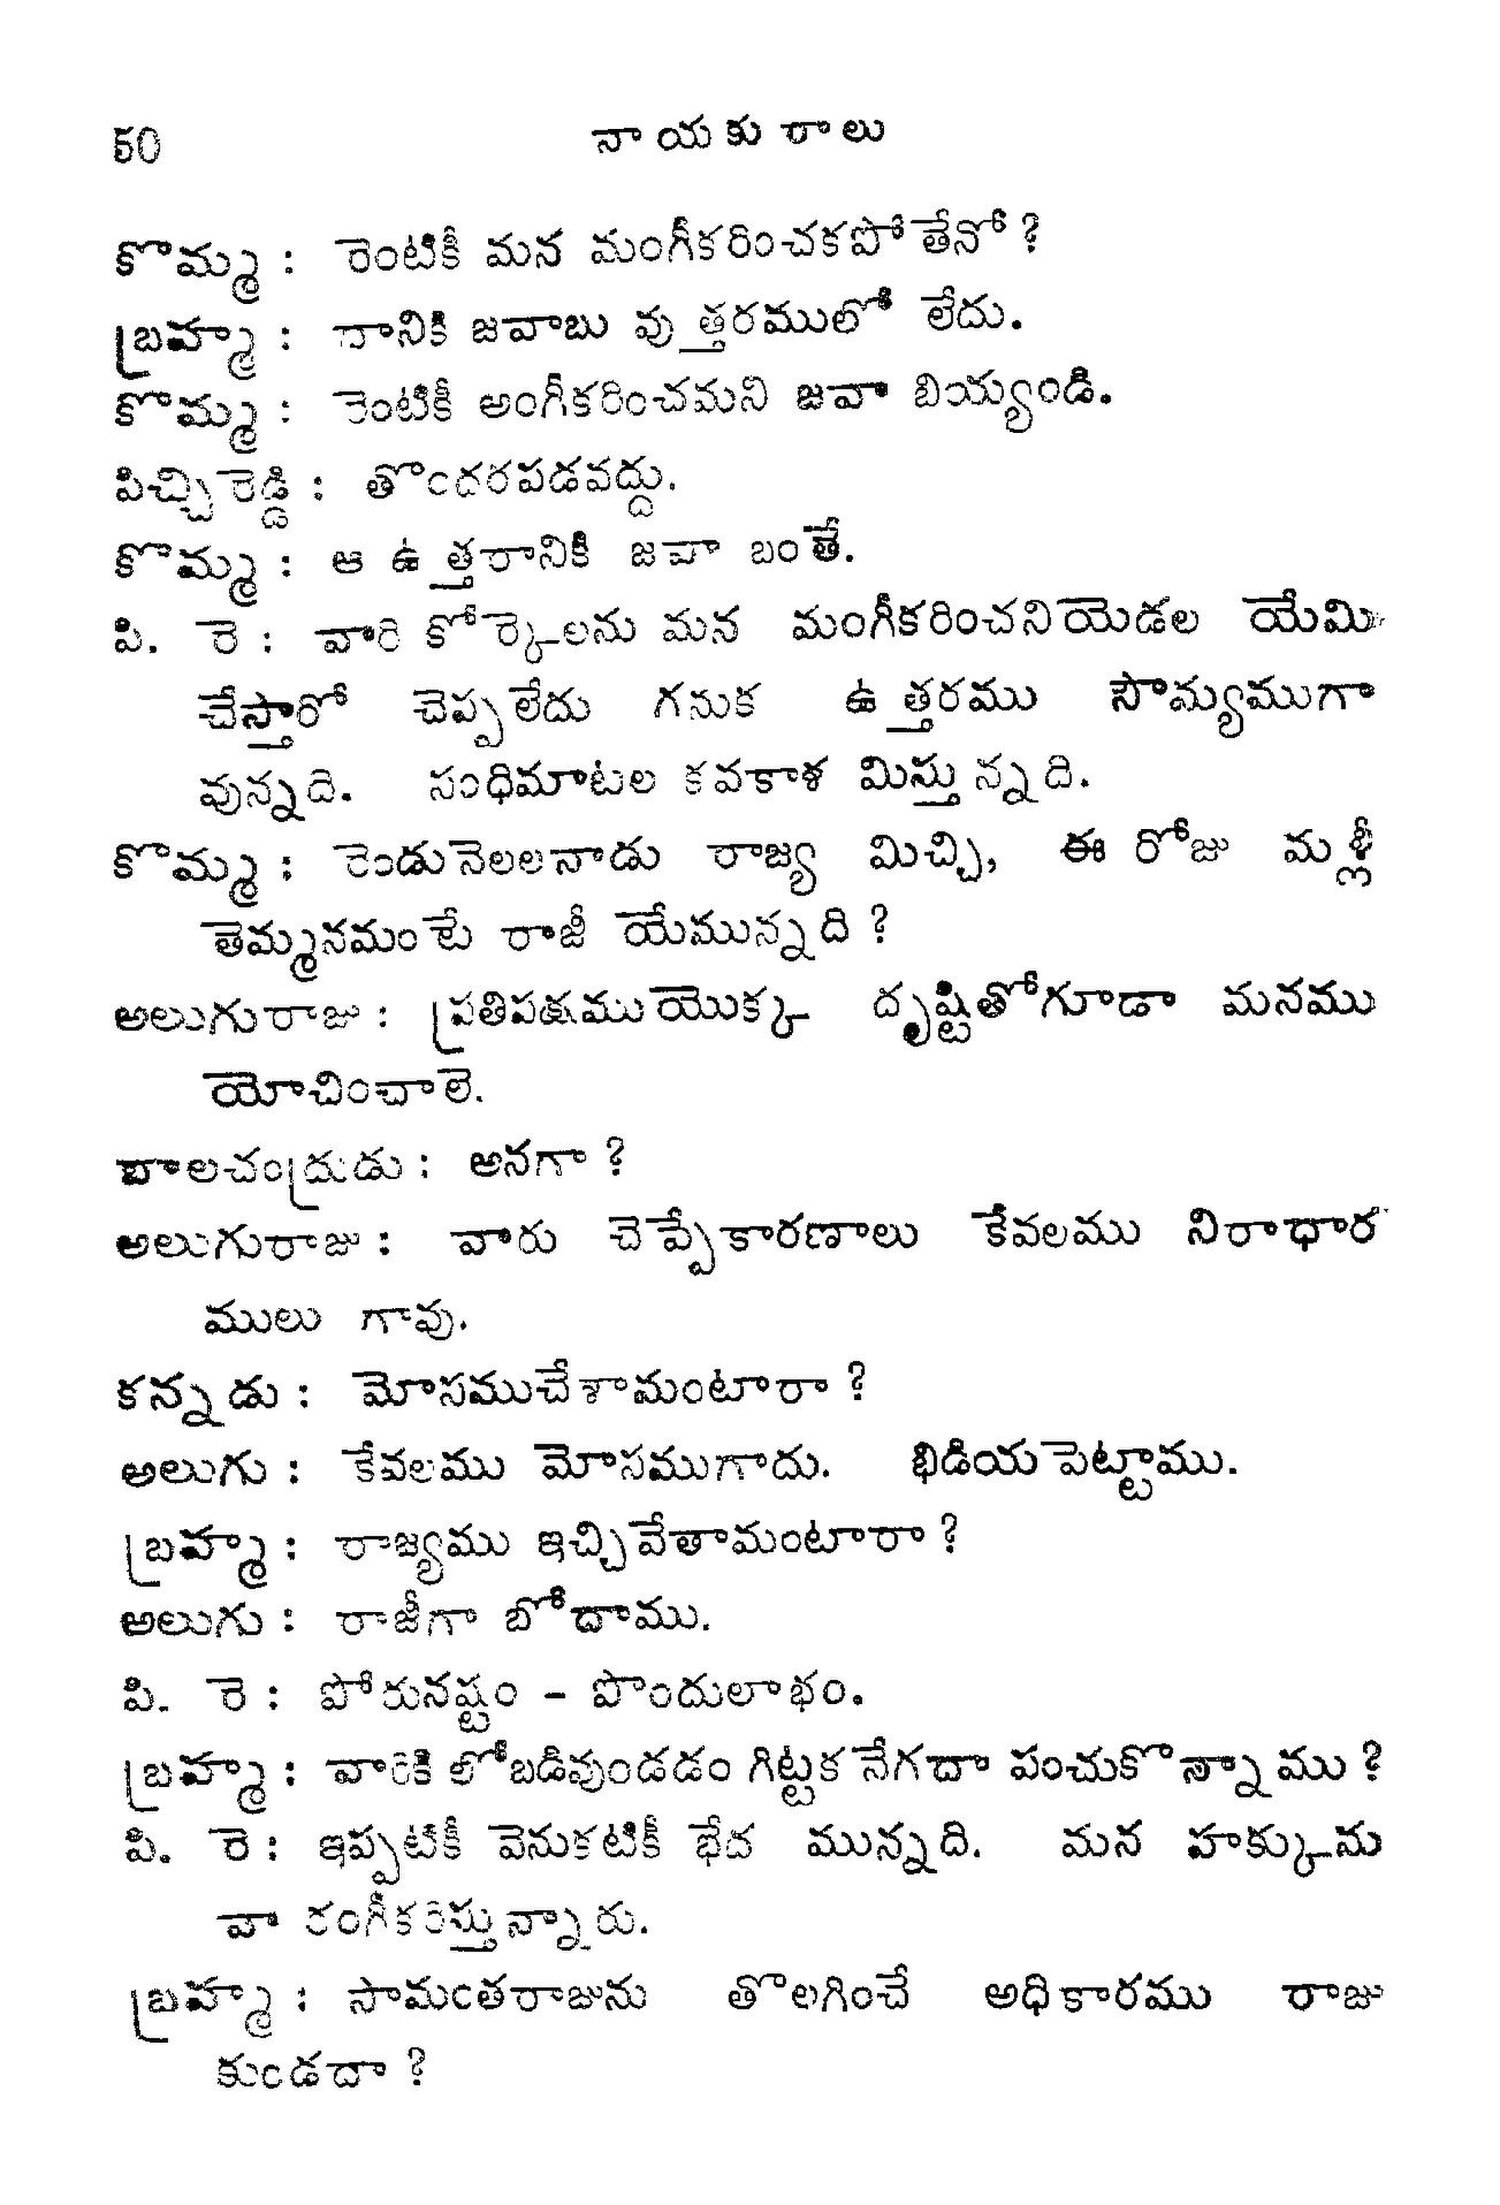కొమ్మ : రెంటికీ మన మంగీకరించకపోతేనో ? ?

బ్రహ్మ: దానికి జవాబు వుత్తరములో లేదు.

కొమ్మ : రెంటికీ అంగీకరించమని జవా బియ్యండి.

పిచ్చి రెడ్డి : తొందరపడవద్దు.

కొమ్మ : ఆ ఉత్తరానికి జవా బంతే.

పి. రె : వారి కోర్కెలను మన మంగీకరించనియెడల యేమి చేస్తారో చెప్ప లేదు గనుక ఉత్తరము సౌమ్యముగా వున్నది. సంధిమాటల కవకాశ మిస్తున్నది.

కొమ్మ : రెండునెలలనాడు రాజ్య మిచ్చి, ఈ రోజు మళ్లీ తెమ్మనమంటే రాజీ యేమున్నది ?

అలుగురాజు : ప్రతిపక్షముయొక్క దృష్టితోగూడా మనము యోచించాలె.

బాలచంద్రుడు : అనగా?

అలుగురాజు : వారు చెప్పేకారణాలు కేవలము నిరాధారములు గావు.

కన్నడు : మోసముచేశామంటారా?

అలుగు : కేవలము మోసముగాదు. భిడియపెట్టాము.

బ్రహ్మ: రాజ్యము ఇచ్చివేతామంటారా ?

అలుగు: రాజీగా బోదాము.

పి. రె: పోరునష్టం - పొందులాభం.

బ్రహ్మ: వారికి లోబడివుండడం గిట్టకనేగదా పంచుకొన్నాము ?

పి. రె: ఇప్పటికీ వెనుకటికీ భేద మున్నది. మన హక్కును వా కంగీకరిస్తున్నారు.

బ్రహ్మ : సామంతరాజును తొలగించే అధికారము రాజు కుండదా?